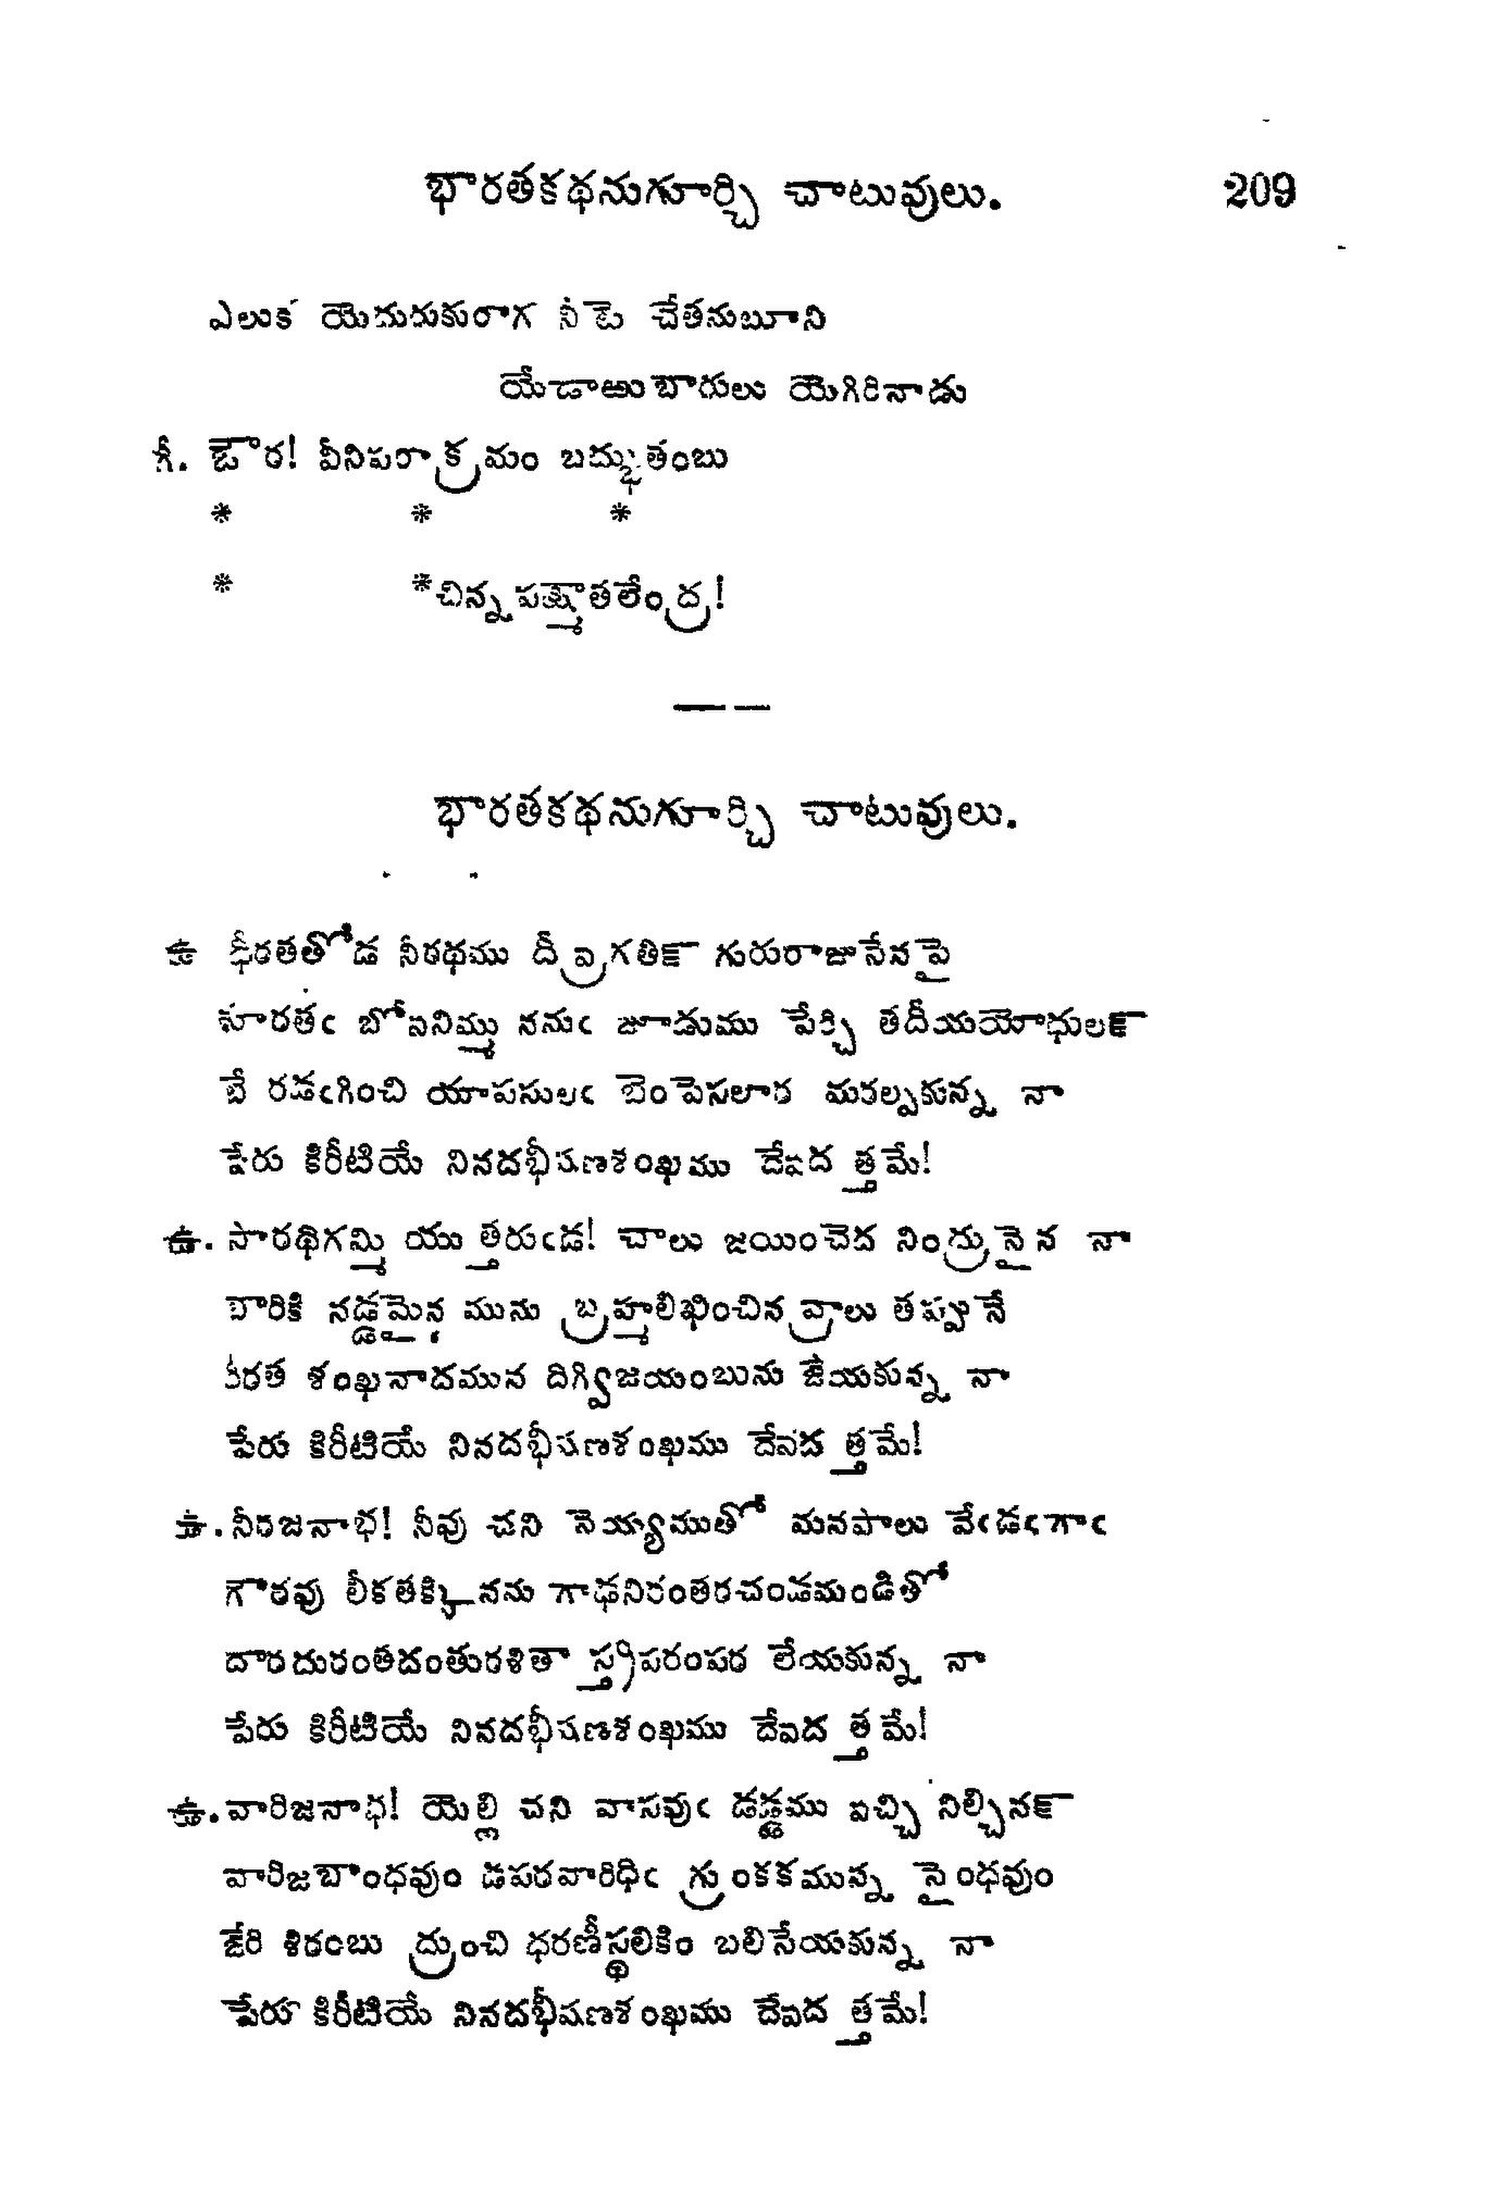ఎలుక యెదురుకురాఁగ నీటె చేతను బూని
 యేడాఱుబారులు యెగిరినాఁడు
గీ. ఔర! వీనిపరాక్రమం బద్భుతంబు
 ...........................................
 ...........................................
 ....................చిన్నపక్ష్మాతలేంద్ర!

ఉ. ధీరతతోడ నీరథము దీవ్రగతిన్ గురురాజుసేనపై
 శూరతఁ బోవనిమ్ము ననుఁ జూడుము యుత్తర వీరయోధులన్
 బే రడఁగించి యాపసులఁ బెంపెసలార మరల్ప కున్న నా
 పేరు కిరీటియే నినదభీషణశంఖము దేవదత్తమే!
ఉ. సారథిగమ్మి యుత్తరుఁడ! చాలు జయించెద నింద్రునైన నా
 బారికి నడ్డమైన మును బ్రహ్మలిఖించినవ్రాలు తప్పునే
 ధీరత శంఖనాదమున దిగ్విజయంబును జేయకున్న నా
 పేరు కిరీటియే నినదభీషణశంఖము దేవదత్తమే!
ఉ. నీరజనాభ! నీవు చని నెయ్యముతో మనపాలు వేఁడఁగాఁ
 గౌరవు లీకతక్కినను గాఢనిరంతరచండమండితో
 దారదురంతదంతురశితాస్త్రపరంపర లేయకున్న నా
 పేరు కిరీటియే నినదభీషణశంఖము దేవదత్తమే!
ఉ. వారిజనాభ! యెల్లి చని వాసవుఁ డడ్డము వచ్చి నిల్చినన్
 వారిజబాంధవుం డపరవారిధిఁ గ్రుంకకమున్న సైంధవుం
 జేరి శిరంబు ద్రుంచి ధరణీస్థలికిం బలిసేయకున్న నా
 పేరు కిరీటియే నినదభీషణశంఖము దేవదత్తమే!